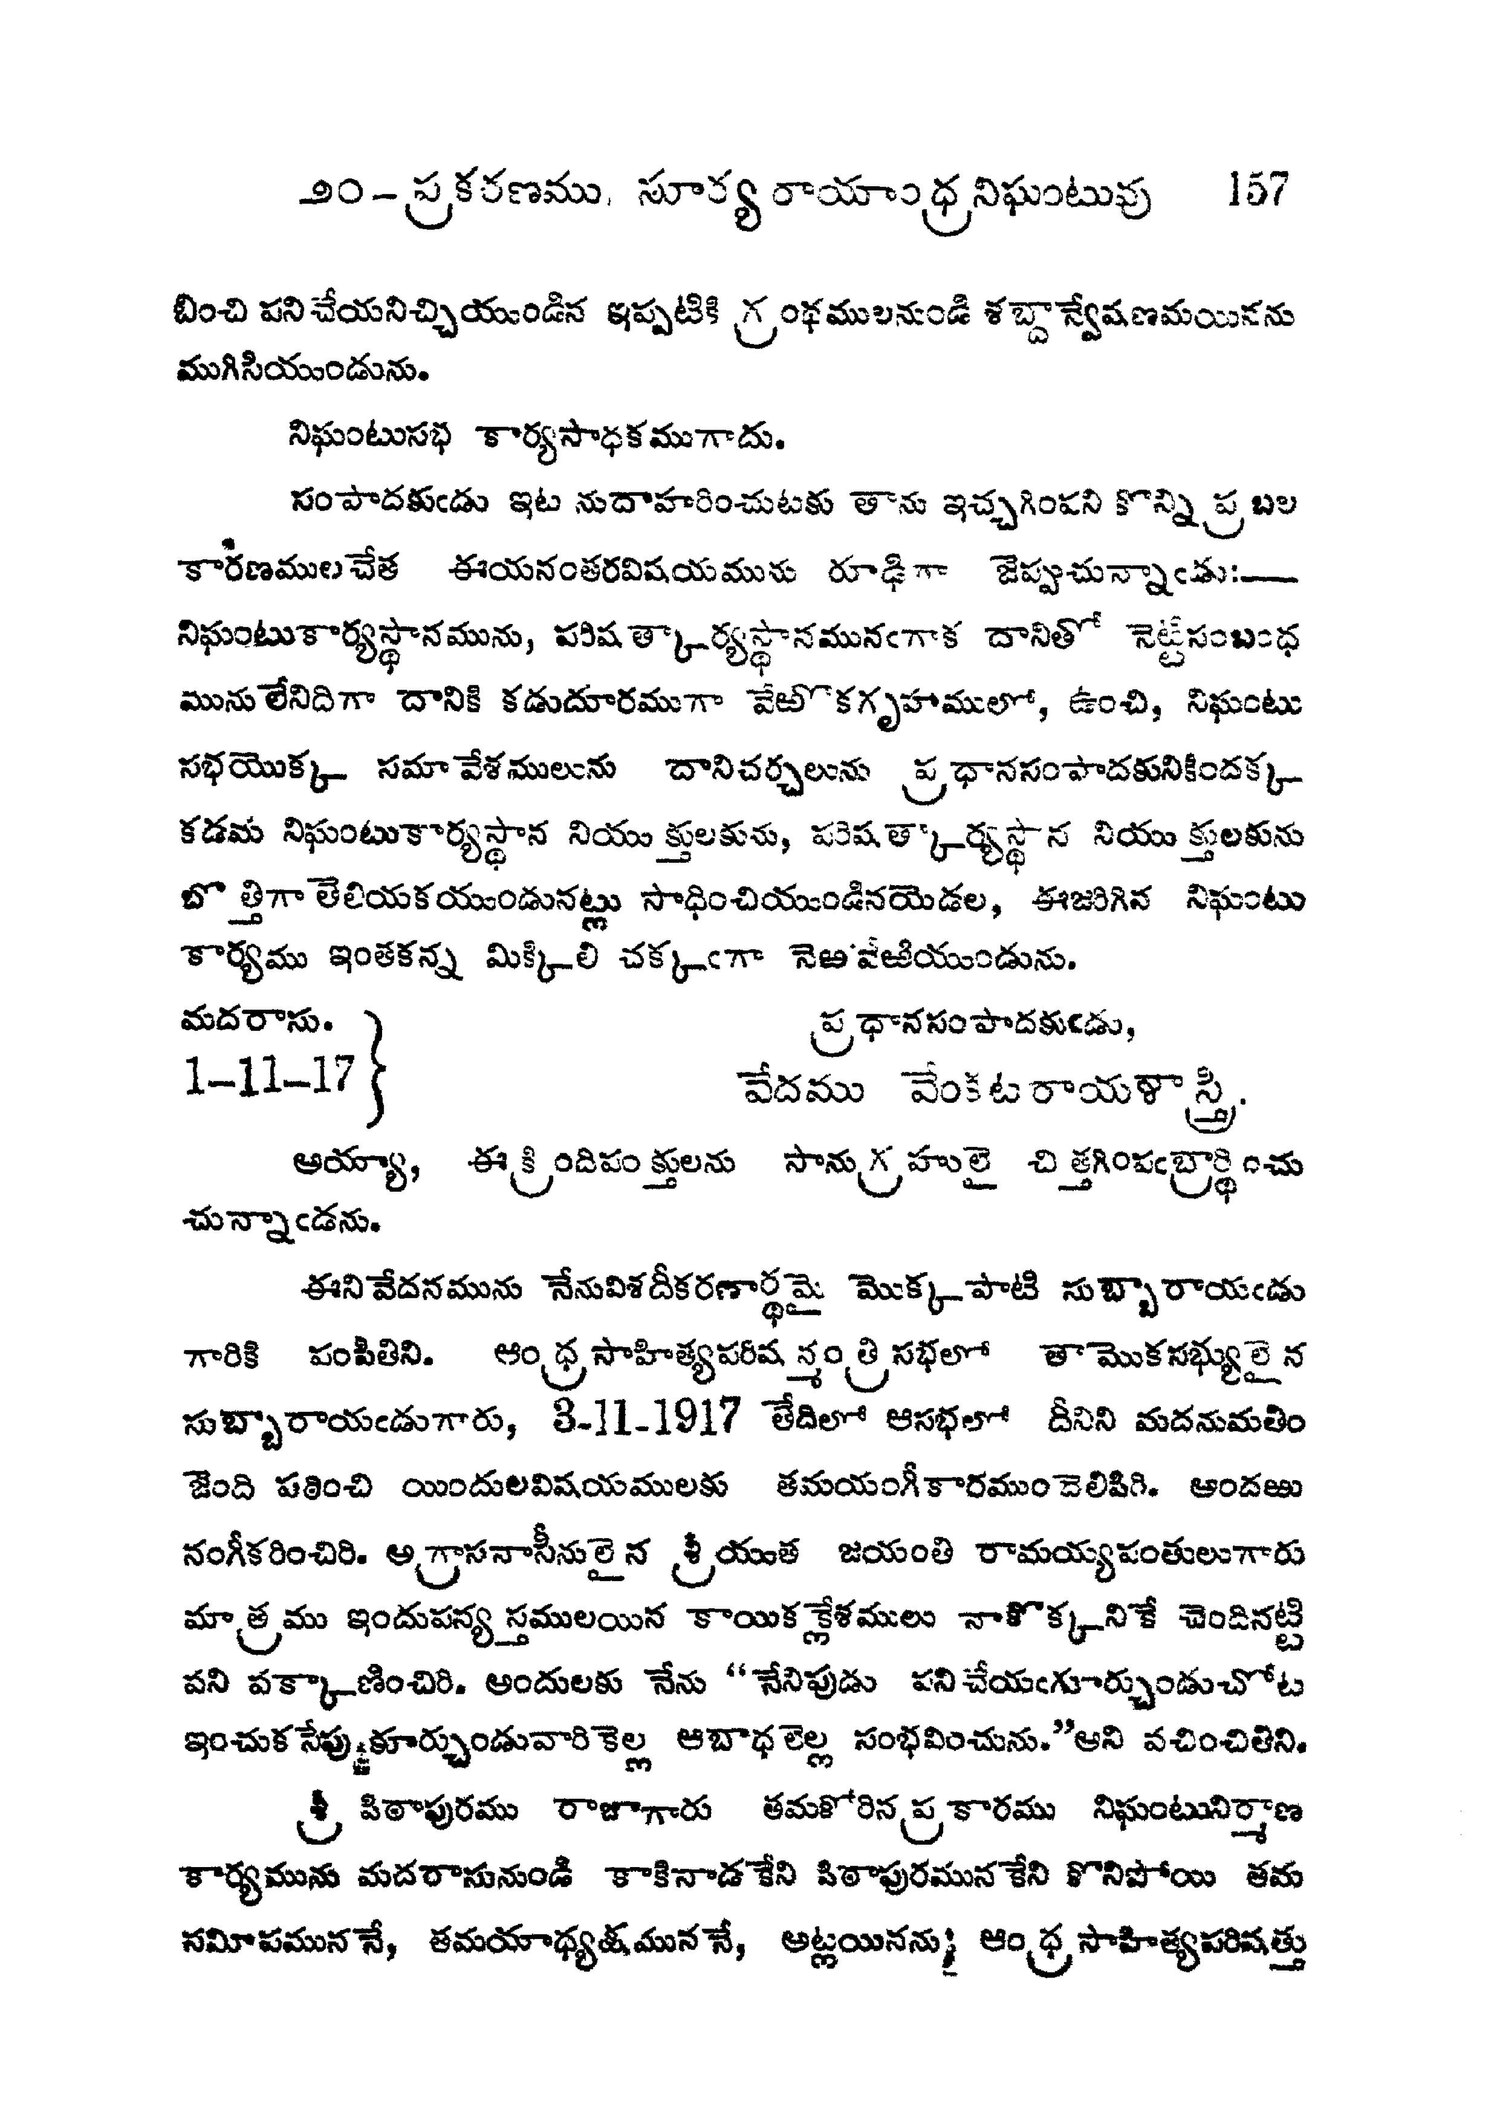బించి పనిచేయనిచ్చియుండిన ఇప్పటికి గ్రంథములనుండి శబ్దాన్వేషణమయినను ముగిసియుండును.

నిఘంటుసభ కార్యసాధకముగాదు.

సంపాదకుడు ఇట నుదాహరించుటకు తాను ఇచ్చగింపని కొన్నిప్రబల కారణములచేత ఈయనంతరవిషయమును రూడిగా జెప్పుచున్నాడు:- 

నిఘంటుకార్యస్థానమును, పరిషత్కార్యస్థానమునగాక దానితో నెట్టిసంబంధమునులేనిదిగా దానికి కడుదూరముగా వేఱొకగృహములో, ఉంచి, నిఘంటుసభయిక్క సమావేశములును దానిచర్చలును ప్రధానసంపాదకునికిందక్క కడమ నిఘంటుకార్యస్థాన నియుక్తులకును, పరిషత్కార్యస్థాన నియుక్తులకును బొత్తిగా తెలియకయుండునట్లు సాధించియుండినయెడల, ఈజరిగిన నిఘంటుకార్యము ఇంతకన్న మిక్కిలి చక్కగా నెఱవేఱియుండును.
ప్రధానసంపాదకుడు,
వేదము వేంకటరాయశాస్త్రి.
మదరాసు.
1-11-17
అయ్యా, ఈక్రిందిపంక్తులను సానుగ్రహులై చిత్తగింపబ్రార్థించు చున్నాడను.

ఈనివేదనమును నేనువిశదీకరణార్థమై మొక్కపాటి సుబ్బారాయుడు గారికి పంపితిని. ఆంధ్రసాహిత్యపరిషన్మంత్రిసభలో తామొకసభ్యులైన సుబ్బారాయుడుగారు, 3-11-1917 తేదిలో ఆసభలో దీనిని మదనుమతింజెంది పఠించి యిందులవిషయములకు తమయంగీకారముందెలిపిరి. అందఱు నంగీకరించిరి. అగ్రాసనాసీనులైన శ్రీయుత జయంతి రామయ్యపంతులుగారు మాత్రము ఇందుపన్యస్తములయిన కాయికక్లేశములు నాకొక్కనికే చెందినట్టివని వక్కాణించిరి. అందులకు నేను "నేనిపుడు పనిచేయగూర్చుండుచోట ఇంచుకసేపు కూర్చుండువారికెల్ల ఆబాధలెల్ల సంభవించును." అని వచించితిని.

శ్రీ పిఠాపురము రాజాగారు తమకోరినప్రకారము నిఘంటునిర్మాణ కార్యమును మదరాసునుండి కాకినాడకేని పిఠాపురమునకేని కొనిపోయి తమ సమీపముననే, తమయాధ్యక్షముననే, అట్లయినను ఆంధ్ర సాహిత్యపరిషత్తు